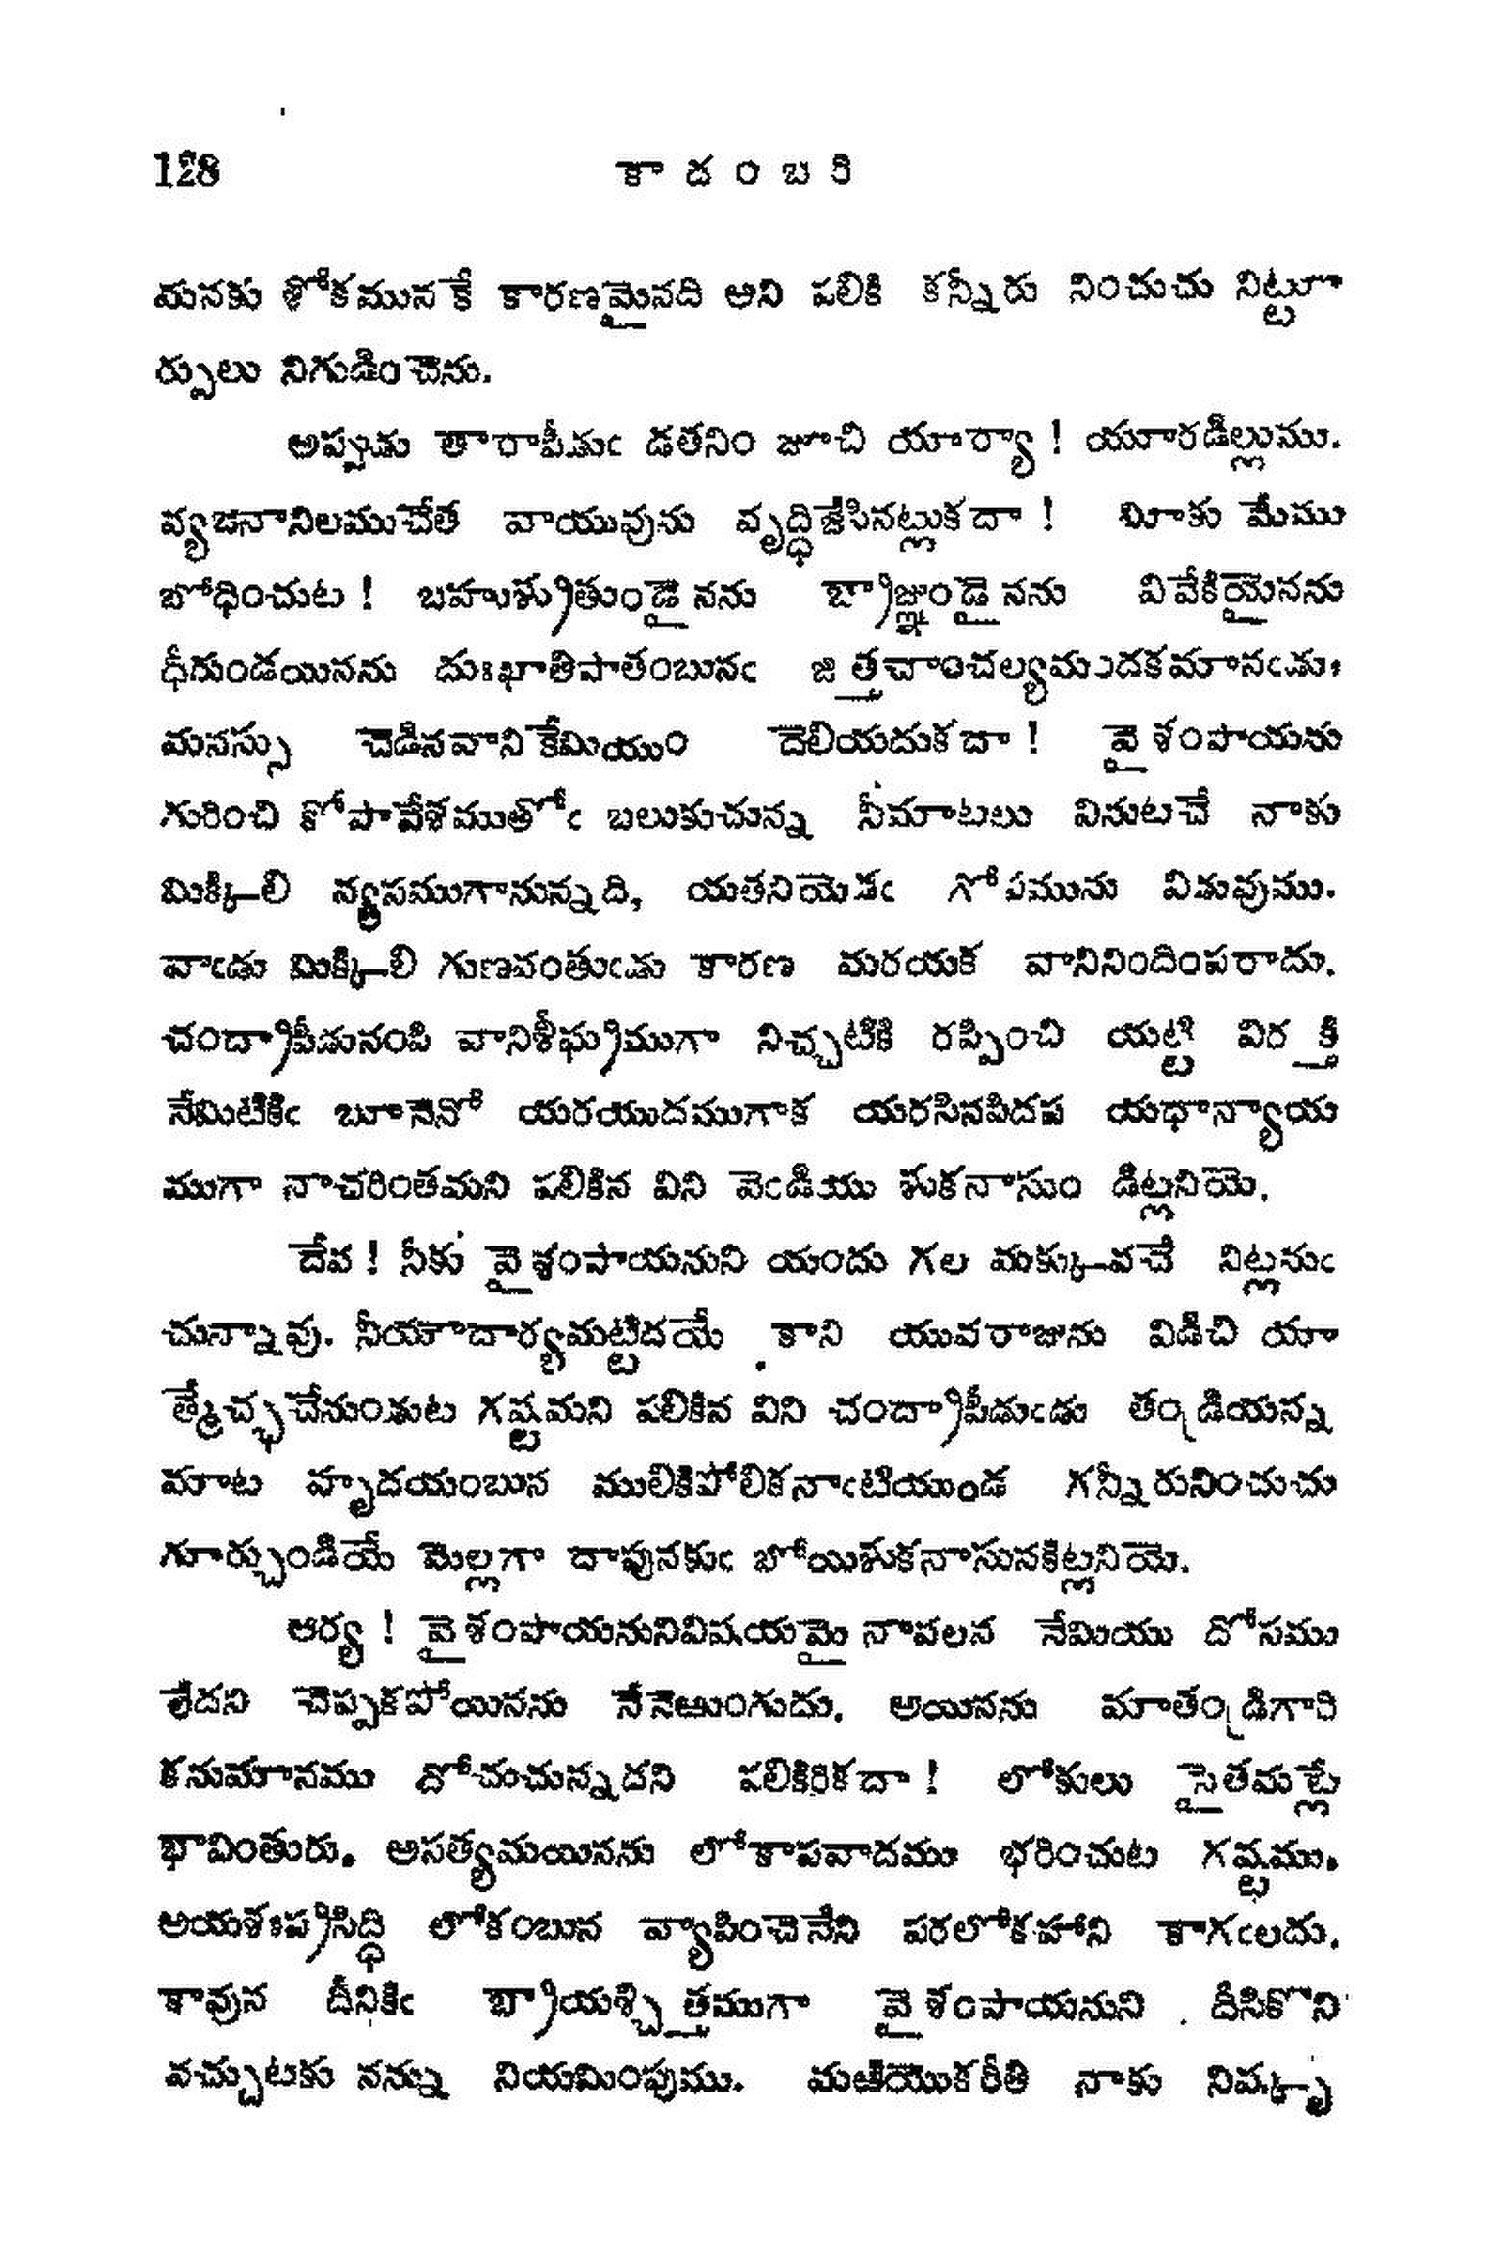మనకు శోకమునకే కారణమైనది అని పలికి కన్నీరు నించుచు నిట్టూర్పులు నిగుడించెను.

అప్పుడు తారాపీడుఁ డతనిం జూచి యార్యా! యూరడిల్లుము. వ్యజనానిలముచేత వాయువును వృద్ధిజేసినట్లుకదా! మీకు మేము బోధించుట! బహుశ్రుతుండైనను బ్రాజ్ఞుండైనను వివేకియైనను ధీరుండయినను దుఃఖాతిపాతంబునఁ జిత్తచాంచల్యమందకమానఁడు. మనస్సు చెడినవానికేమియుం దెలియదుకదా! వైశంపాయను గురించి కోపావేశముతోఁ బలుకుచున్న నీమాటలు వినుటచే నాకు మిక్కిలి వ్యసముగానున్నది. యతనియెడఁ గోపమును విడువుము. వాఁడు మిక్కిలి గుణవంతుఁడు కారణ మరయక వానినిందింపరాదు. చంద్రాపీడునంపి వానిశీఘ్రముగా నిచ్చటికి రప్పించి యట్టి విరక్తి నేమిటికిఁ బూనెనో యరయుదముగాక యరసినపిదప యధాన్యాయముగా నాచరింతమని పలికిన విని వెండియు శుకనాసుం డిట్లనియె.

దేవ! నీకు వైశంపాయనుని యందు గల మక్కువచే నిట్లనుఁ చున్నావు. నీయౌదార్యమట్టిదయే కాని యువరాజును విడిచి యాత్మేచ్ఛచేనుండుట గష్టమని పలికిన విని చంద్రాపీడుఁడు తండ్రియన్న మాట హృదయంబున ములికిపోలికనాఁటియుండ గన్నీరునించుచు గూర్చుండియే మెల్లగా దాపునకుఁ బోయి శుకనాసునకిట్లనియె.

ఆర్య! వైశంపాయనునివిషయమైన నావలన నేమియు దోసము లేదని చెప్పకపోయినను నేనెఱుంగుదు, అయినను మాతండ్రిగారి కనుమానము దోచుచున్నదని పలికిరికదా! లోకులు సైతమట్లే భావింతురు. అసత్యమయినను లోకాపవాదము భరించుట గష్టము. అయశఃప్రసిద్ధి లోకంబున వ్యాపించెనేని పరలోకహాని కాగఁలదు. కావున దీనికిఁ బ్రాయశ్చిత్తముగా వైశంపాయనుని దీసికొని వచ్చుటకు నన్ను నియమింపుము. మఱియొకరీతి నాకు నిష్కృ